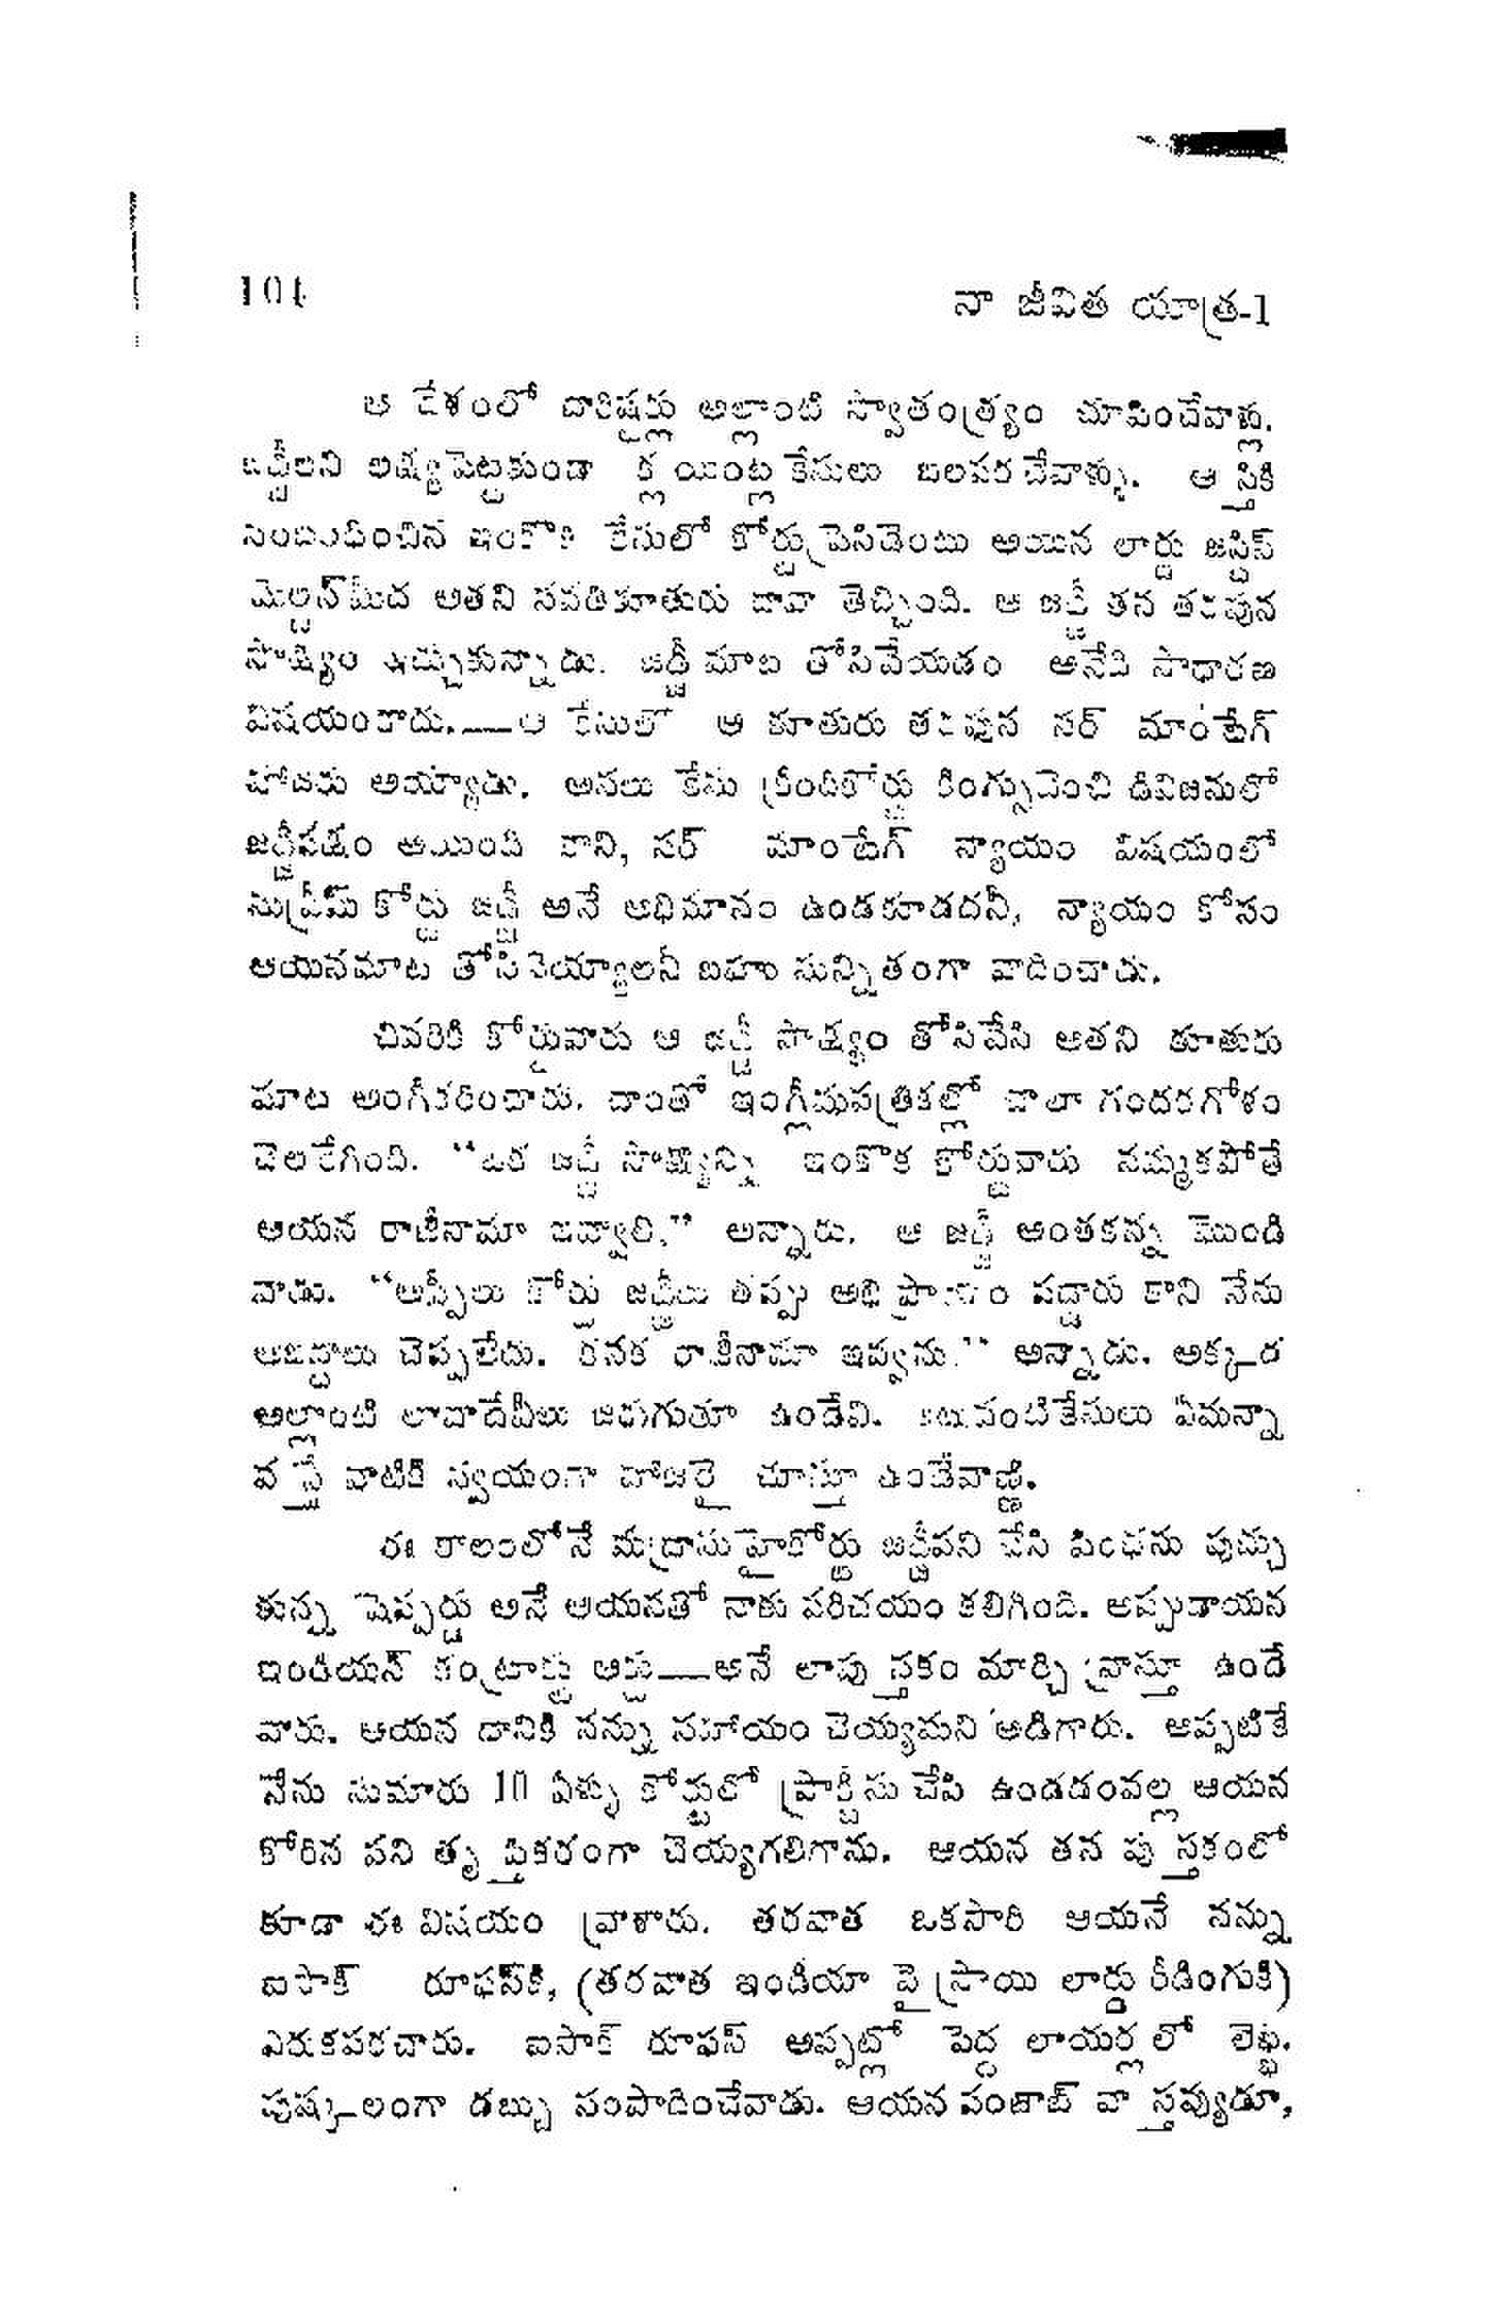ఆ దేశంలో బారిష్టర్లు అల్లాంటి స్వాతంత్ర్యం చూపించేవాళ్లు. జడ్జీలని లక్ష్యపెట్టకుండా క్లయింట్లకేసులు బలపరచేవాళ్ళు. ఆస్తికి సంబంధించిన ఇంకొక కేసులో కోర్టుప్రెసిడెంటు అయిన లార్డు జస్టిస్ మెల్టన్‌మీద అతని సవతికూతురు దావా తెచ్చింది. ఆ జడ్జీ తన తరపున సాక్ష్యం ఇచ్చుకున్నాడు. జడ్జీ మాట తోసివేయడం అనేది సాధారణ విషయంకాదు. - అ కేసులో ఆ కూతురు తరపున సర్ మాంటేగ్ హాజరు అయ్యాడు. అసలు కేసు క్రిందికోర్టు కింగ్సుబెంచి డివిజనులో జడ్జీపక్షం అయింది కాని, సర్ మాంటేగ్ న్యాయం విషయంలో సుప్రీం కోర్టు జడ్జీ అనే అభిమానం ఉండకూడదనీ, న్యాయం కోసం ఆయనమాట తోసివెయ్యాలనీ బహు సున్నితంగా వాదించాడు.

చివరికి కోర్టువారు ఆ జడ్జీ సాక్ష్యం తోసివేసి అతని కూతురు మాట అంగీకరించారు. దాంతో ఇంగ్లీషుపత్రికల్లో చాలా గందరగోళం చెలరేగింది. "ఒక జడ్జీ సాక్ష్యాన్ని ఇంకొక కోర్టువారు నమ్మకపోతే ఆయన రాజీనామా ఇవ్వాలి," అన్నారు. ఆ జడ్జీ అంతకన్న మొండివాడు. "అప్పీలు కోర్టు జడ్జీలు తప్పు అభిప్రాయం పడ్డారు కాని నేను అబద్దాలు చెప్పలేదు. కనక రాజీనామా ఇవ్వను" అన్నాడు. అక్కడ అల్లాంటి లావాదేవీలు జరుగుతూ ఉండేవి. ఇటువంటికేసులు ఏమన్నా వస్తే వాటికి స్వయంగా హాజరై చూస్తూ ఉండేవాణ్ణి.

ఈ కాలంలోనే మద్రాసు హైకోర్టు జడ్జీపని చేసి పించను పుచ్చుకున్న షెప్పర్డు అనే ఆయనతో నాకు పరిచయం కలిగింది. అప్పుడాయన ఇండియన్ కంట్రాక్టు ఆక్టు - అనే లా పుస్తకం మార్చి వ్రాస్తూ ఉండేవారు. ఆయన దానికి నన్ను సహాయం చెయ్యమని అడిగారు. అప్పటికే నేను సుమారు 10 ఏళ్ళు కోర్టులో ప్రాక్టీసు చేసి ఉండడంవల్ల ఆయన కోరిన పని తృప్తికరంగా చెయ్యగలిగాను. ఆయన తన పుస్తకంలో కూడా ఈ విషయం వ్రాశారు. తరవాత ఒకసారి ఆయనే నన్ను ఐసాక్ రూఫస్‌కి, (తరవాత ఇండియా వైస్రాయి లార్డు రీడింగుకి) ఎరుకపరచారు. ఐసాక్ రూపస్ అప్పట్లో పెద్ద లాయర్లలో లెఖ్ఖ. పుష్కలంగా డబ్బు సంపాదించేవాడు. ఆయన పంజాబ్ వాస్తవ్యుడూ,